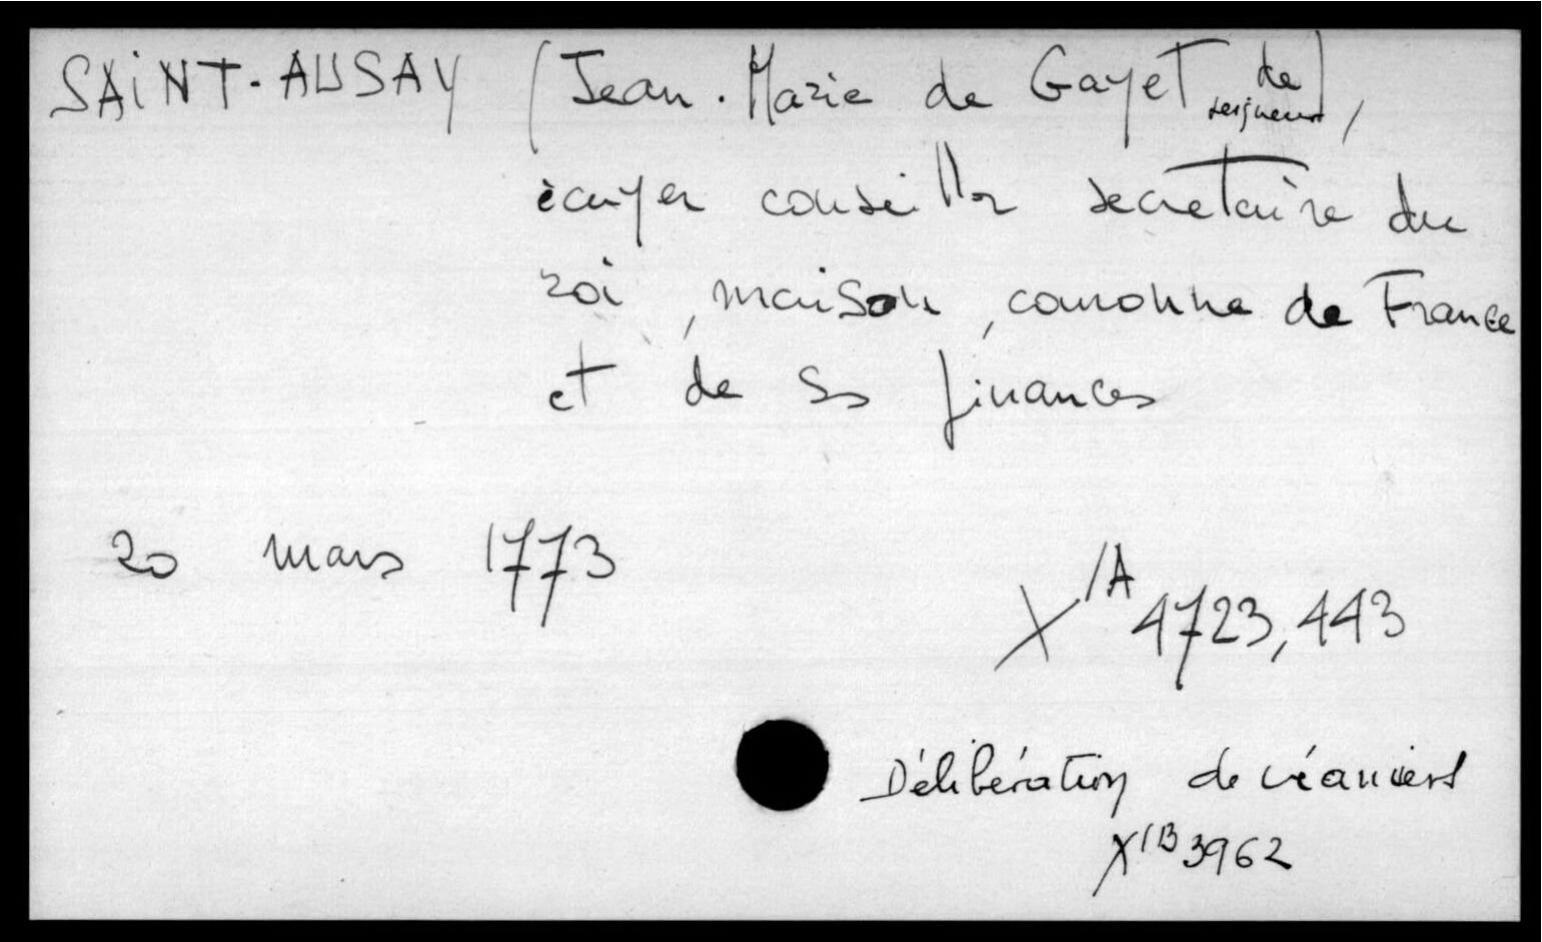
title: SAINT-AUSAY (Jean-Marie de Gayet de, seigneur) écuyer conseiller Secrétaire du roi, maison, couronne de France et de ses finances
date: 20 mars 1773
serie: X1A
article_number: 4723
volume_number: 443
